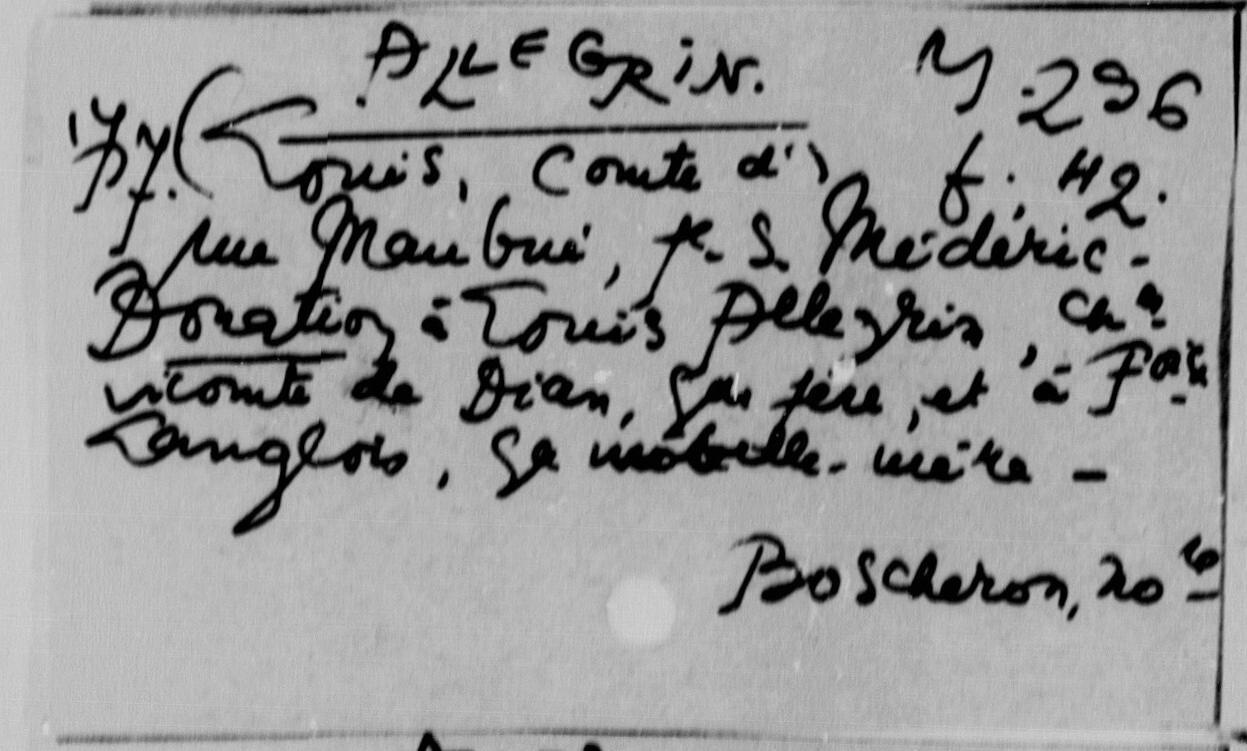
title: ALLEGRIN (Louis, comte d')
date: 1717
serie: Y
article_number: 296
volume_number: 42
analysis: Rue Maubué, paroisse Saint-Médéric. Donation à Louis ALLEGRIN, chevalier (?), vicomte de Dian, son père et à Françoise LANGLOIS, sa belle-mère. Boscheron, notaire.
